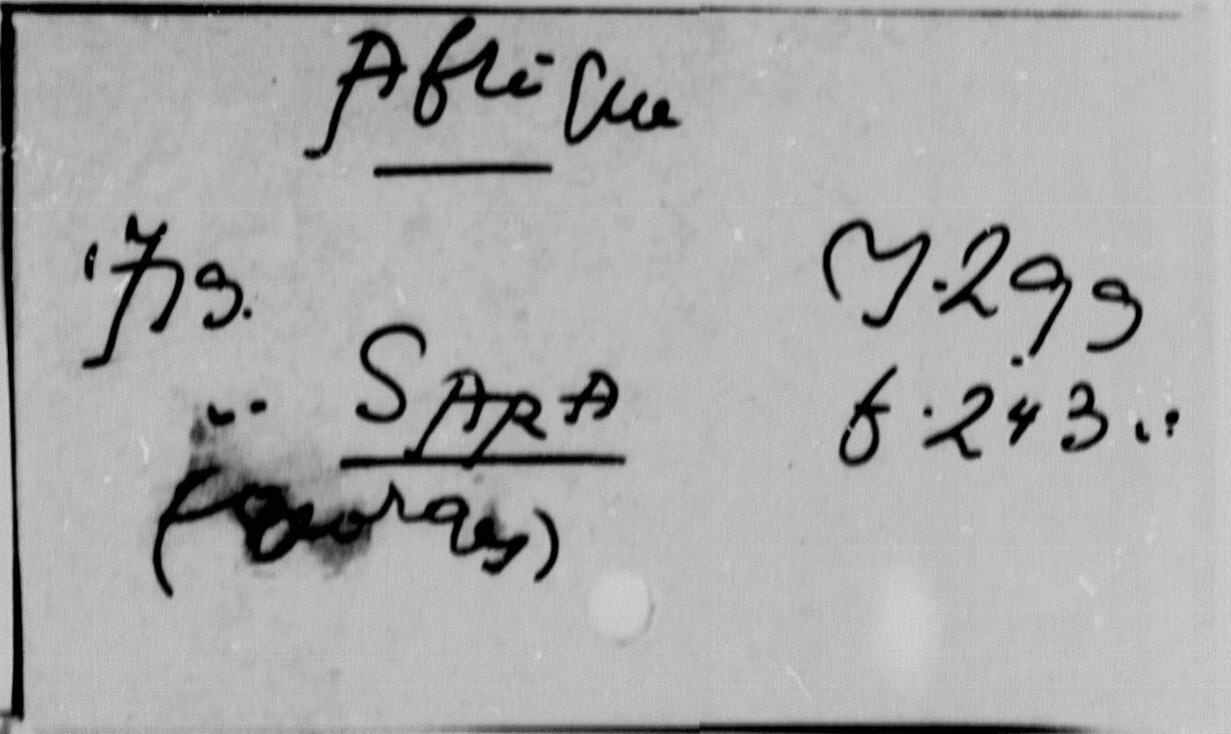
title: Afrique
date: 1719
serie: Y
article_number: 299
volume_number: folio 243 verso
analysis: Voir SARA (Georges)
